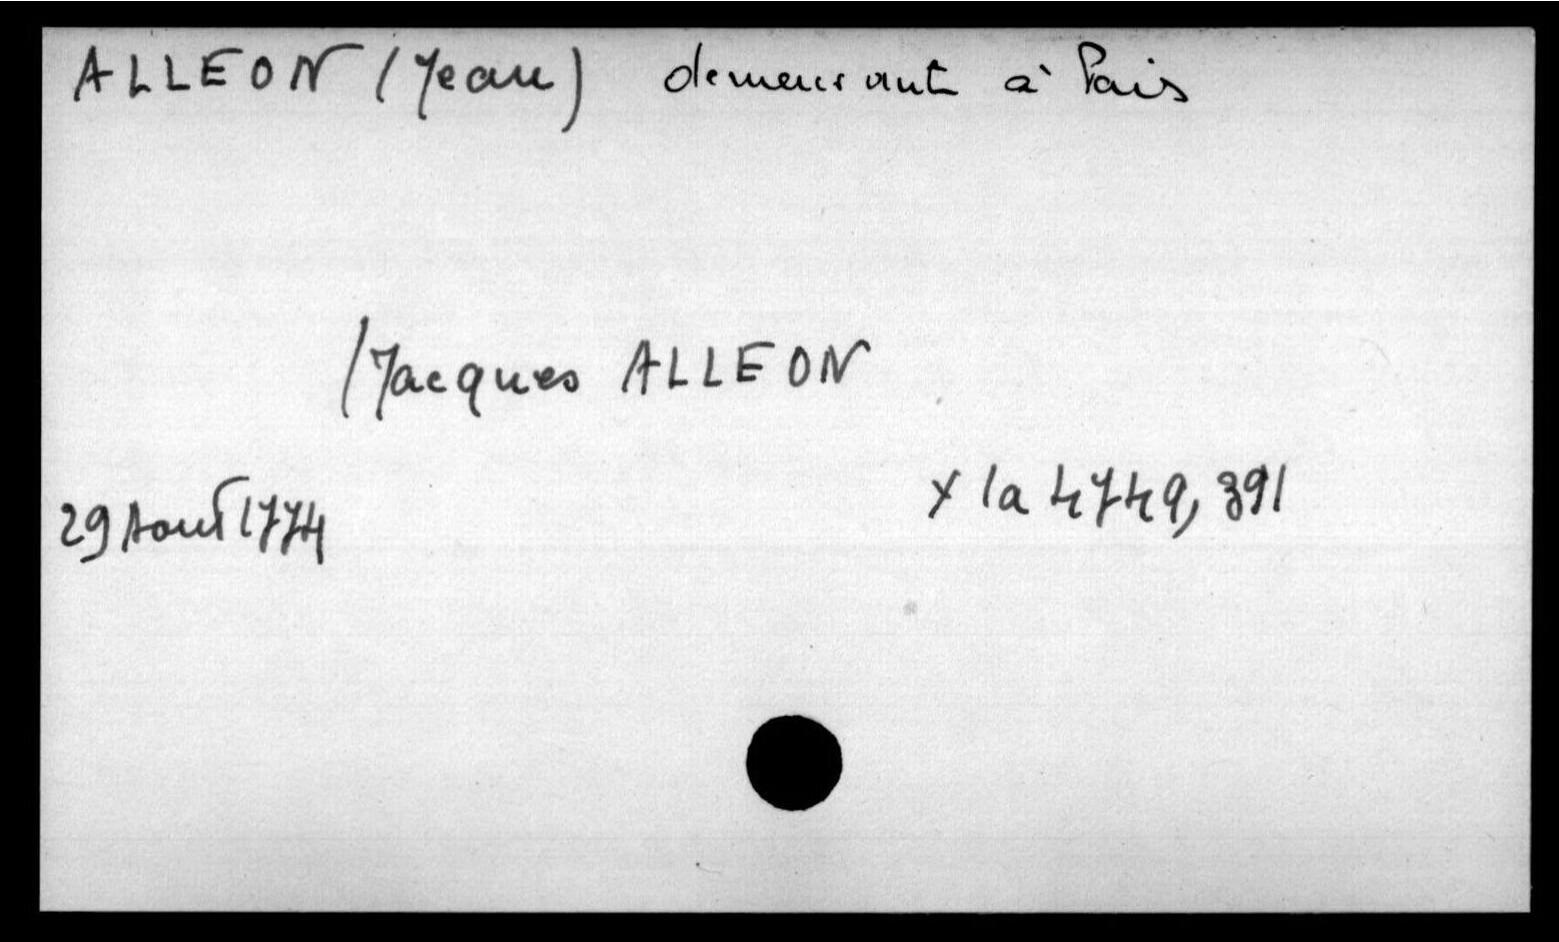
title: ALLEON (Jean) demeurant à Paris
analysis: Contre Jacques ALLEON
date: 29 août 1774
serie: X1A
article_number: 4749
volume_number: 391
